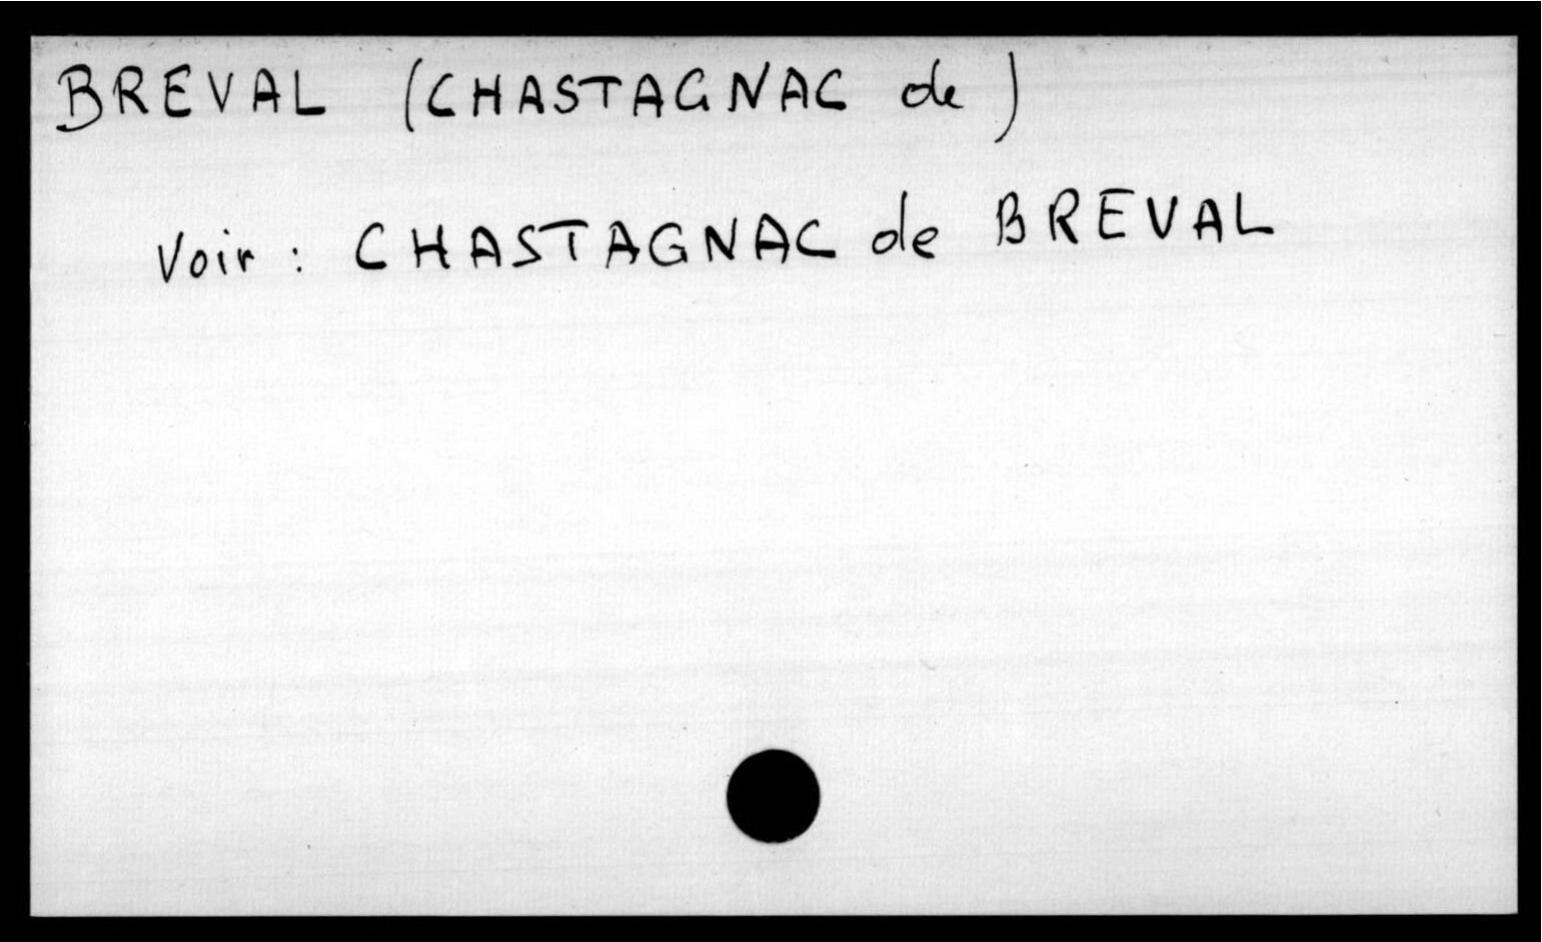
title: BREVAL (CHASTAGNAC de)
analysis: Voir : CHASTAGNAC de BREVAL
